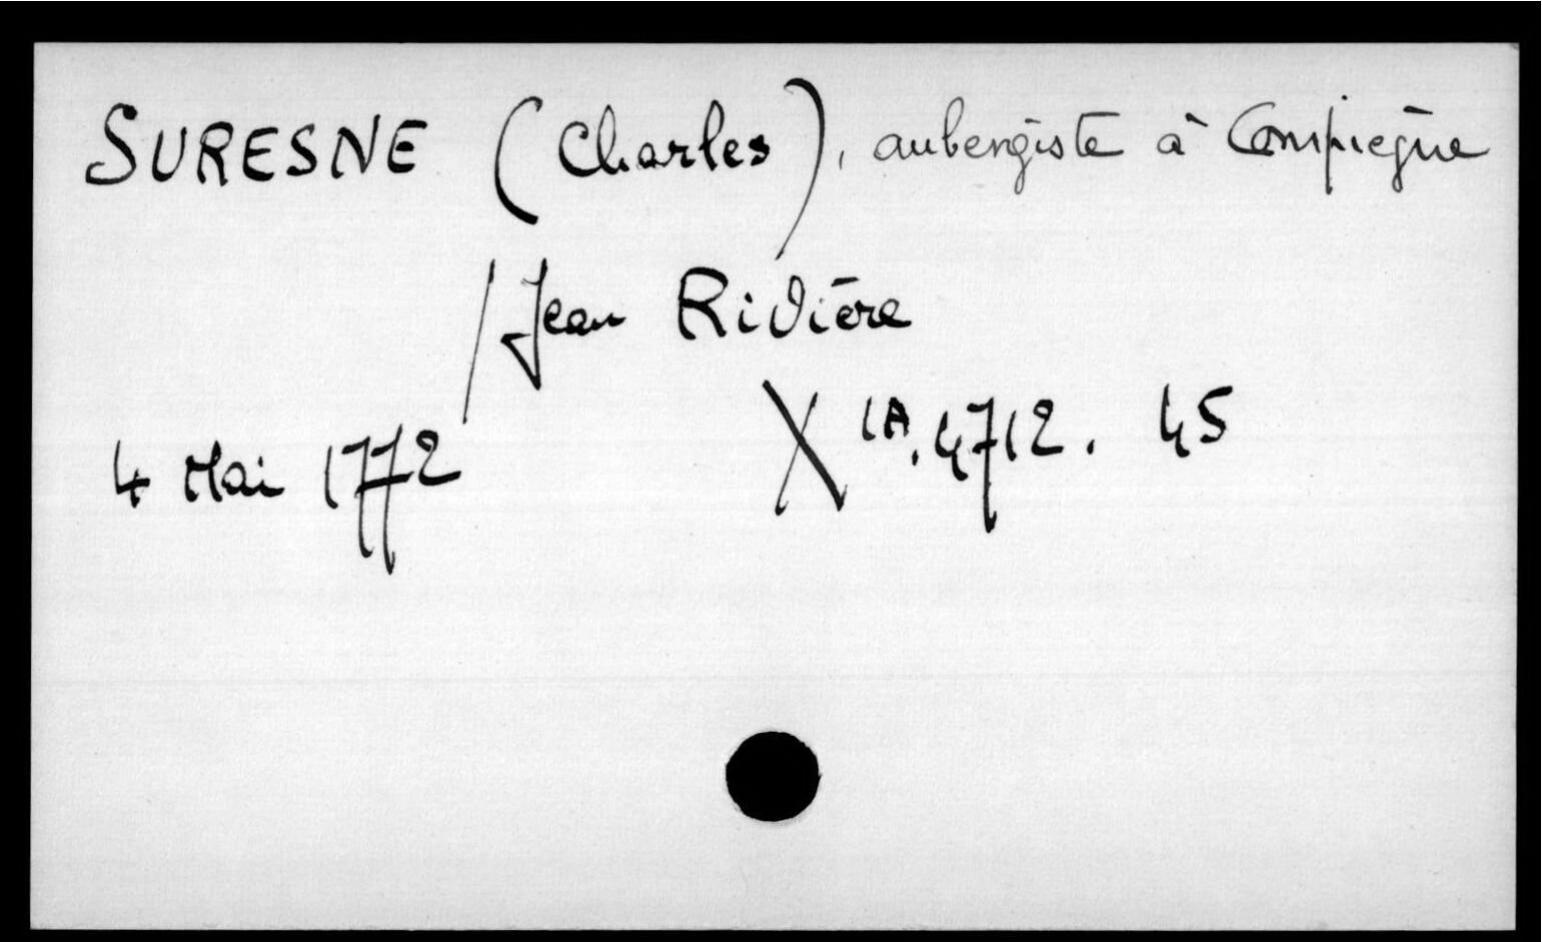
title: SURESNE (Charles), aubergiste à Compiègne
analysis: Contre Jean Rivière
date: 4 mai 1772
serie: X1A
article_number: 4712
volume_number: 45
